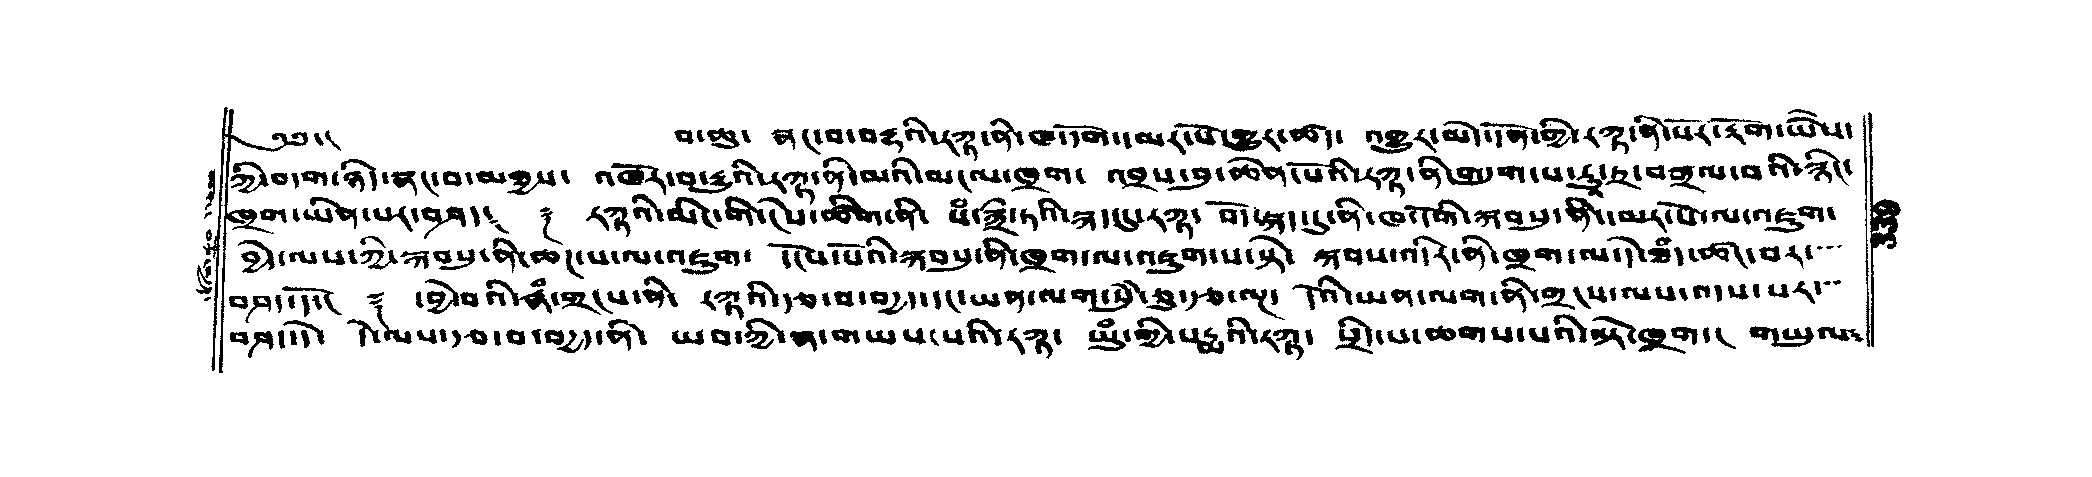བ་ཆུ། སྣང་བ་བརྡའི་རཀྟ་ནི་ཁ་དོག་དམར་པོ་འགྱུར་ཚད། འགྱུར་མེད་དོན་གྱི་རཀྟ་ནི་སོར་རྟོག་ཡེ་ཤེས་
ཀྱི་བདག་ཉིད་སྣང་བ་མཐའ་ཡས། འཁོར་བ་རྒྱུའི་རཀྟ་ནི་མའི་མངལ་ཁྲག་འབྲས་བུ་ཆེན་པོའི་རཀྟ་ནི་གདུག་པ་རུ་ཏྲ་བསྒྲལ་བའི་སྙིང་
ཁྲག་ཡིན་པར་བཤད། ༈ རཀྟའི་མིང་གི་ངེས་ཚིག་ནི། སཾ་སྐྲྀ་ཏའི་སྐད་དུ་རཀྟ། བོད་སྐད་དུ་ནི་ཁ་དོག་གི་སྐབས་སུ་ནི་དམར་པོ་ལ་འཇུག་
བྱེད་ལས་ཀྱི་སྐབས་སུ་ནི་ཆགས་པ་ལ་འཇུག་དངོས་པོའི་སྐབས་སུ་ནི་ཁྲག་ལ་འཇུག་པ་སྟེ། སྐབས་འདིར་ནི་ཁྲག་ལ་དེ་ཐམས་ཅད་ཚང་བར་
བཤད་དོ། ༈ དབྱེ་བའི་རྣམ་གྲངས་ནི། རཀྟའི་རྩ་བ་བརྒྱད་དང་ཡན་ལག་གསུམ་ཅུ་རྩ་ལྔ་། དེའི་ཡན་ལག་ནི་གྲངས་ལས་འདས་པར་
བཤད་དོ། དེ་ལས་རྩ་བ་བརྒྱད་ནི། ཡབ་ཀྱི་སྣ་གཡས་པའི་རཀྟ། ཡུམ་གྱི་པདྨའི་རཀྟ། སྲིད་པ་ཆགས་པའི་ལྟེ་ཁྲག་གཡུལ་